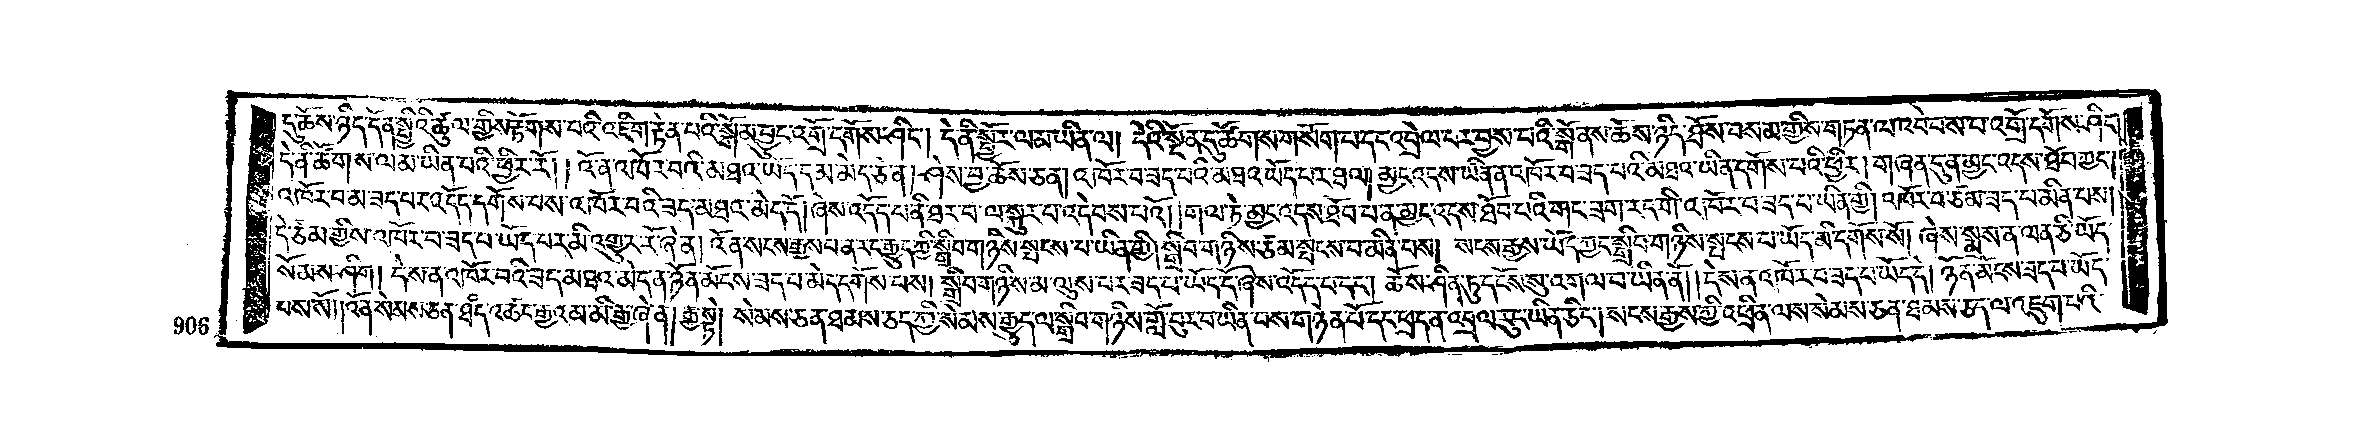དུ་ཆོས་ཉིད་དོན་སྤྱིའི་ཚུལ་གྱིས་རྟོགས་པའི་འཇིག་རྟེན་པའི་སྒོམ་བྱུང་འགྲོ་དགོས་ཤིང་། དེ་ནི་སྦྱོར་ལམ་ཡིན་ལ། དེའི་སྔོན་དུ་ཚོགས་གསོག་པ་དང་འབྲེལ་པར་བྱས་པའི་སྒོ་ནས་ཆོས་ཉིད་ཐོས་བསམ་གྱིས་གཏན་ལ་འབེབས་པ་འགྲོ་དགོས་ཤིང་
དེ་ནི་ཚོགས་ལམ་ཡིན་པའི་ཕྱིར་རོ། །འོ་ན་འཁོར་བའི་མཐའ་ཡོད་དམ་མེད་ཅེ་ན། ཤེས་བྱ་ཆོས་ཅན། འཁོར་བ་ཟད་པའི་མཐའ་ཡོད་པར་ཐལ། མྱང་འདས་ཡིན་ན་འཁོར་བ་ཟད་པའི་མཐའ་ཡིན་དགོས་པའི་ཕྱིར། གཞན་དུ་ན་མྱང་འདས་ཐོབ་ཀྱང་
འཁོར་བ་མ་ཟད་པར་འདོད་དགོས་པས་འཁོར་བའི་ཟད་མཐའ་མེད་དོ། ཞེས་འདོད་པ་ནི་ཐར་བ་ལ་སྐུར་བ་འདེབས་པའོ། །གལ་ཏེ་མྱང་འདས་ཐོབ་པ་ན་མྱང་འདས་ཐོབ་པའི་གང་ཟག་རང་གི་འཁོར་བ་ཟད་པ་ཡིན་གྱི། འཁོར་བ་ཙམ་ཟད་པ་མིན་པས།
དེ་ཙམ་གྱིས་འཁོར་བ་ཟད་པ་ཡོད་པར་མི་འགྱུར་རོ་ཞེ་ན། འོ་ན་སངས་རྒྱས་པ་ན་རང་རྒྱུད་ཀྱི་སྒྲིབ་གཉིས་སྤངས་པ་ཡིན་གྱི། སྒྲིབ་གཉིས་ཙམ་སྤངས་པ་མིན་པས། སངས་རྒྱས་ཡོད་ཀྱང་སྒྲིབ་གཉིས་སྤངས་པ་ཡོད་མི་དགོས་སོ། ཞེས་སྨྲས་ན་ལན་ཅི་ཡོད་
སོམས་ཤིག །དེས་ན་འཁོར་བའི་ཟད་མཐའ་མེད་ན་ཉོན་མོངས་ཟད་པ་མེད་དགོས་པས། སྒྲིབ་གཉིས་མ་ལུས་པར་ཟད་པ་ཡོད་དོ་ཞེས་འདོད་པ་དང་། ཆོས་ཤིན་ཏུ་དངོས་སུ་འགལ་བ་ཡིན་ནོ། །དེས་ན་འཁོར་བ་ཟད་པ་ཡོད་དེ། ཉོན་མོངས་ཟད་པ་ཡོད་
པས་སོ། །འོ་ན་སེམས་ཅན་ཐམས་ཅད་འཚང་རྒྱའམ་མི་རྒྱ་ཞེ་ན། རྒྱ་སྟེ། སེམས་ཅན་ཐམས་ཅད་ཀྱི་སེམས་རྒྱུད་ལ་སྒྲིབ་གཉིས་གློ་བུར་བ་ཡིན་པས་གཉེན་པོ་དང་ཕྲད་ན་འབྲལ་རུང་ཡིན་ཅིང་། སངས་རྒྱས་ཀྱི་འཕྲིན་ལས་སེམས་ཅན་ཐམས་ཅད་ལ་འཇུག་པའི་